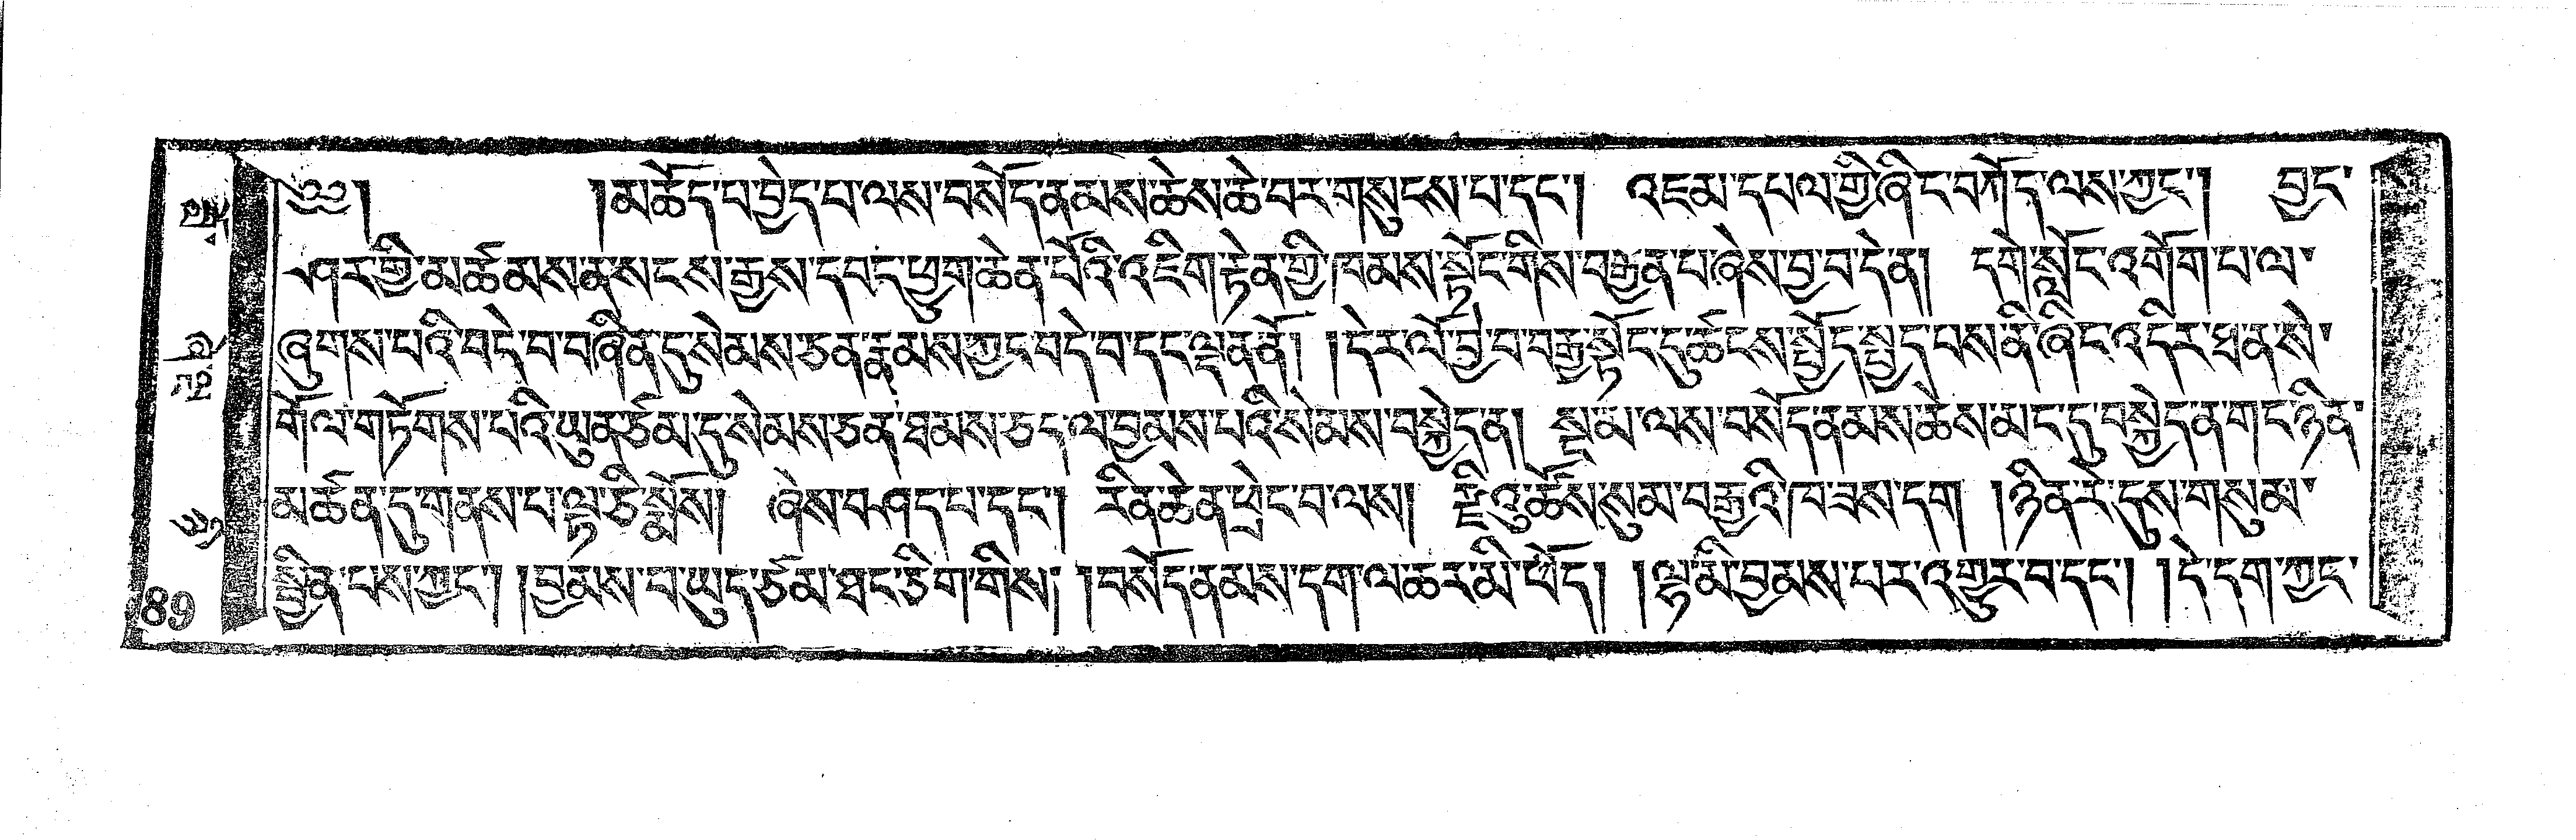༄༅། །མཆོད་པ་བྱེད་པ་ལས་བསོད་ནམས་ཆེས་ཆེ་བར་གསུངས་པ་དང་། འཇམ་དཔལ་གྱི་ཞིང་བཀོད་ལས་ཀྱང་། བྱང་
ཤར་གྱི་མཚམས་ན་སངས་རྒྱས་དབང་ཕྱུག་ཆེན་པོའི་འཇིག་རྟེན་གྱི་ཁམས་སྟོང་གིས་བརྒྱན་པ་ཞེས་བྱ་བ་དེ་ན། དགེ་སློང་འགོག་པ་ལ་
ཞུགས་པའི་བདེ་བ་བཞིན་དུ་སེམས་ཅན་རྣམས་ཀྱང་བདེ་བ་དང་ལྡན་ནོ། །དེར་ལོ་བྱེ་བ་བརྒྱ་སྟོང་དུ་ཚངས་སྤྱོད་སྤྱད་པས་ནི་ཞིང་འདིར་ཐ་ན་སེ་
གོལ་གཏོགས་པའི་ཡུན་ཙམ་དུ་སེམས་ཅན་ཐམས་ཅད་ལ་བྱམས་པའི་སེམས་བསྐྱེད་ན། སྔ་མ་ལས་བསོད་ནམས་ཆེས་མང་དུ་བསྐྱེད་ན་གང་ཉིན་
མཚན་དུ་གནས་པ་ལྟ་ཅི་སྨོས། ཞེས་བཤད་པ་དང་། རིན་ཆེན་ཕྲེང་བ་ལས། རྫིའུ་ཚོས་སུམ་བརྒྱའི་ཁ་ཟས་དག །ཉིན་རེ་དུས་གསུམ་
སྦྱིན་པས་ཀྱང་། །བྱམས་པ་ཡུད་ཙམ་ཐང་ཅིག་གིས། །བསོད་ནམས་དག་ལ་ཆར་མི་ཕོད། །ལྷ་མི་བྱམས་པར་འགྱུར་བ་དང་། །དེ་དག་ཀྱང་